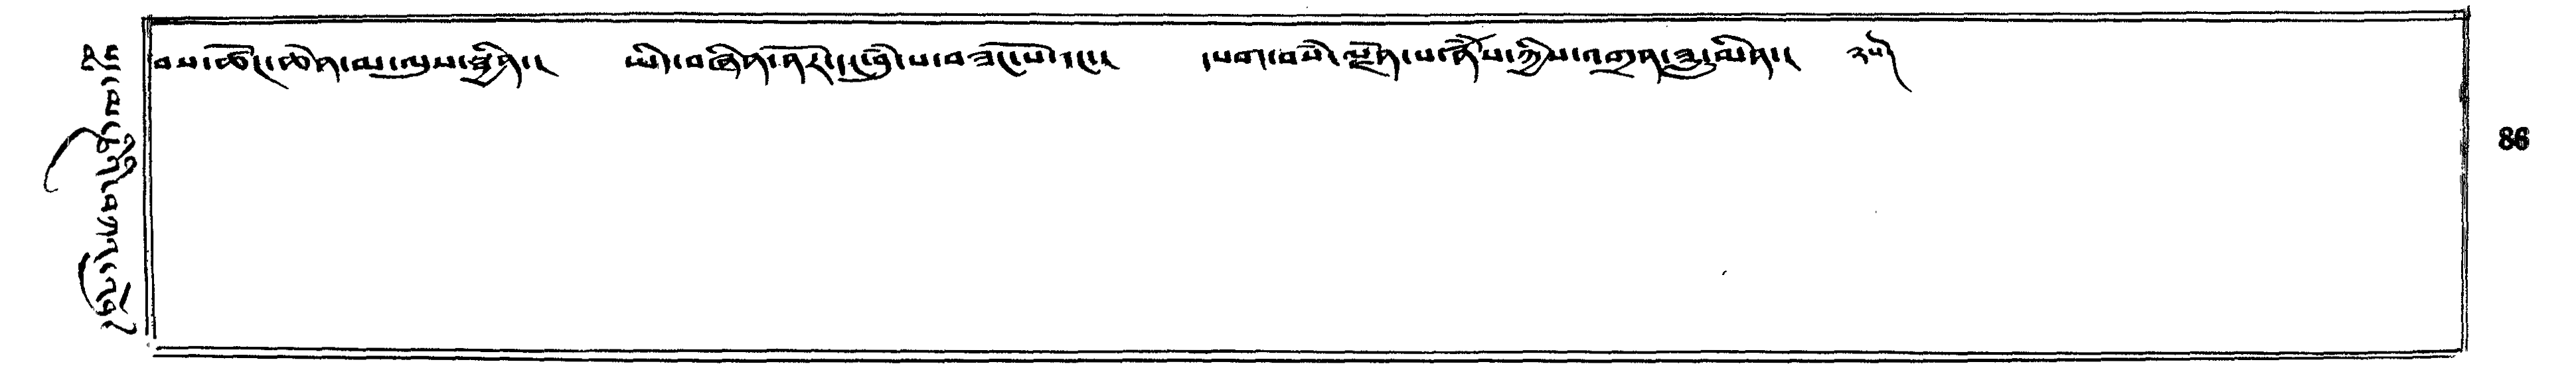བས་ཚོགས་ཆེན་མ་ལུས་སྦྱིན། །ཡིད་བཞིན་ནོར་དང་བུམ་པ་བཟང་པོ་དང་། །དཔག་བསམ་ལྗོན་པ་རྣམས་ཀྱིས་འགྲན་ཟླ་མིན། །༢༥༽